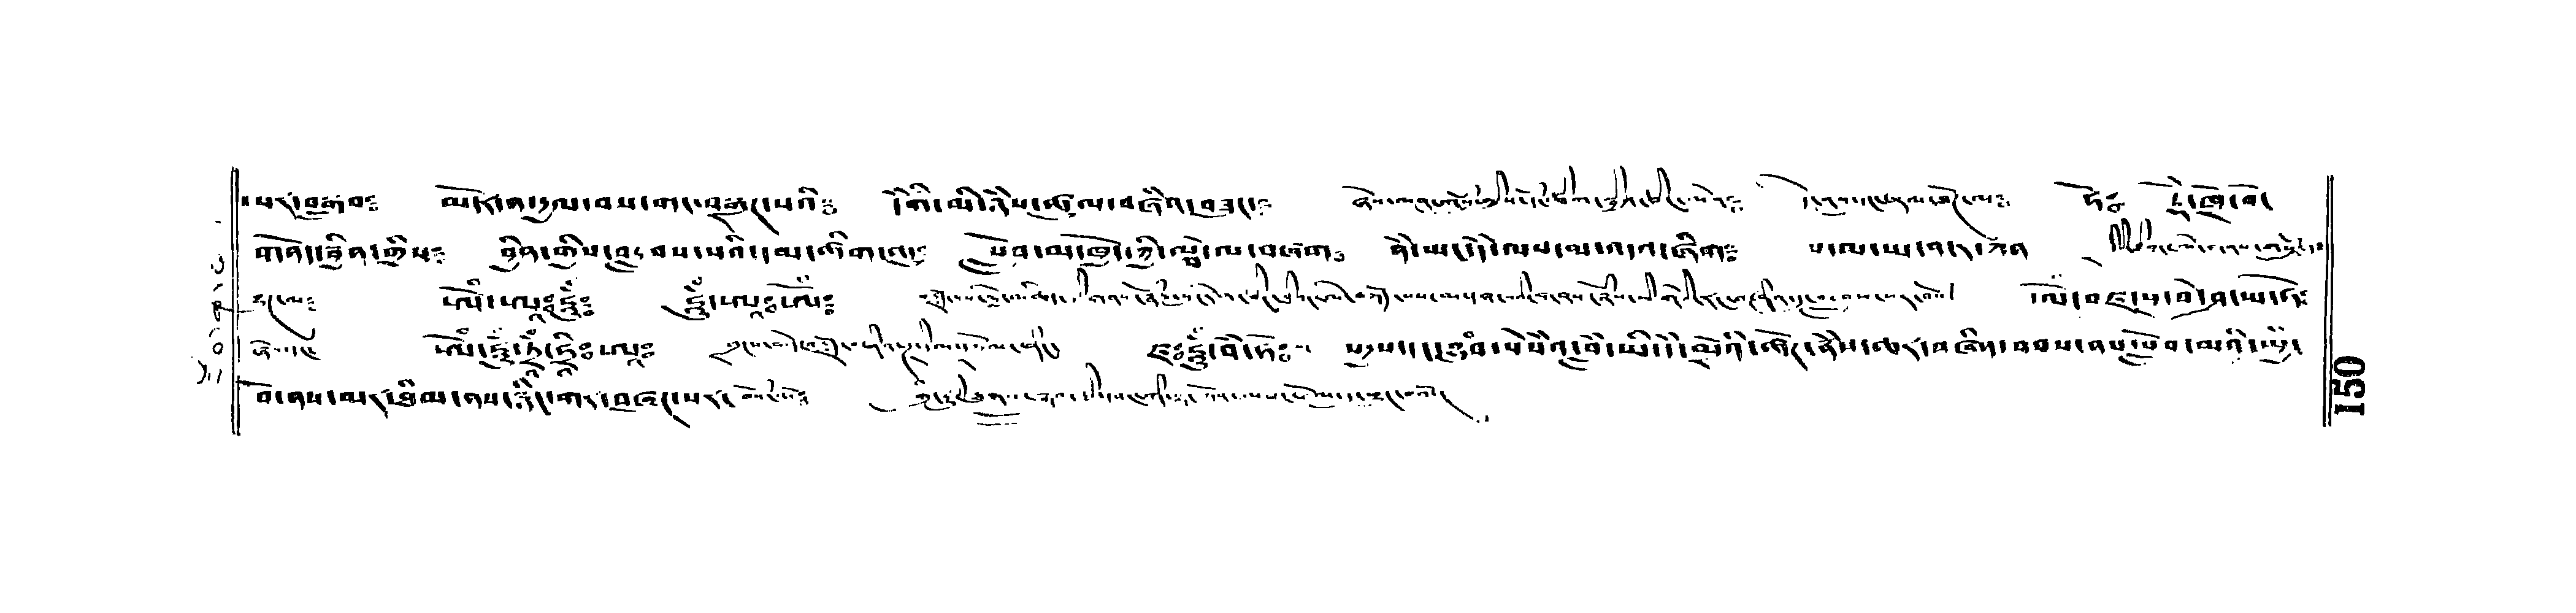པར་བསྒྲུབ༔ མདོར་ན་རྒྱལ་བས་གང་བསྒྲགས་པའི༔ དམ་ཚིག་མི་ཉམས་ཚུལ་བཞིན་གཟུང༔ ཞེས་ལན་གསུམ་གྱིས་དམ་ཚིག་སྦྱིན་ཞིང་ལེན༔ དེ་ནས་དུང་ཞལ་ཐོགས་ལ༔ ཧོཿ རྡོ་རྗེ་ཁྲོ་བོ་
གནོད་སྦྱིན་གྱིས༔ བྱིན་གྱིས་བརླབས་པའི་དམ་ཚིག་འདུ༔ སློབ་མ་ཁྱོད་ཀྱི་ལྕེ་ལ་བཞག༔ ནམ་ཡང་དམ་ལས་མ་འདའ་ཞིག༔ ས་མ་ཡ་ན་ར་ཀན༔ དྲིའི་ཐིག་ལེ་གནས་གསུམ་དུ་
བྱུགས་ལ༔ ཨོཾ་ཨཱཿཧཱུྃ༔ ཧཱུྃ་ཨཱཿཨོཾ༔ བརྗོད་པས་སྐྱེ་མཆེད་ཀྱི་གནས་རྣམས་སུ་རེག་ཅིང་ཐིག་ལེ་བཀོད་པས་མ་དག་པའི་གནས་ཉམས་ཡི་གེའི་རང་བཞིན་དུ་བརླབས་པར་བསམ༔ ཨོཾ་བཛྲ་པྲ་བེ་ཤ་ཡ་ཧོཿ 
ཞེས་དང༔ ཨོཾ་ཧཱུྃ་ཏྲཱྃ་ཧྲཱིཿཨཱཿ གྲངས་མེད་བརྗོད་བཞིན་ཌཱ་དྲིལ་དཀྲོལ་ཞིང༔ ཛཿཧཱུྃ་བམ་ཧོཿས༔ སངས་རྒྱས་དང་བྱང་ཆུབ་སེམས་དཔའ་བླ་མ་ཡི་དམ་མཁའ་འགྲོའི་ཚོགས་རྣམས་ཆར་བཞིན་བབས་ནས་སློབ་མའི་སྤྱི་
བོ་ནས་མར་ཐིམ་ནས་སྙིང་གར་བཞུགས་པར་བསམ་མོ༔ གུ་རུའི་ཐུགས་སྒྲུབ་ཀྱི་དབང་གི་སྟ་གོན་ལས་ཁོལ་དུ་ཕྱུང་བའོ།